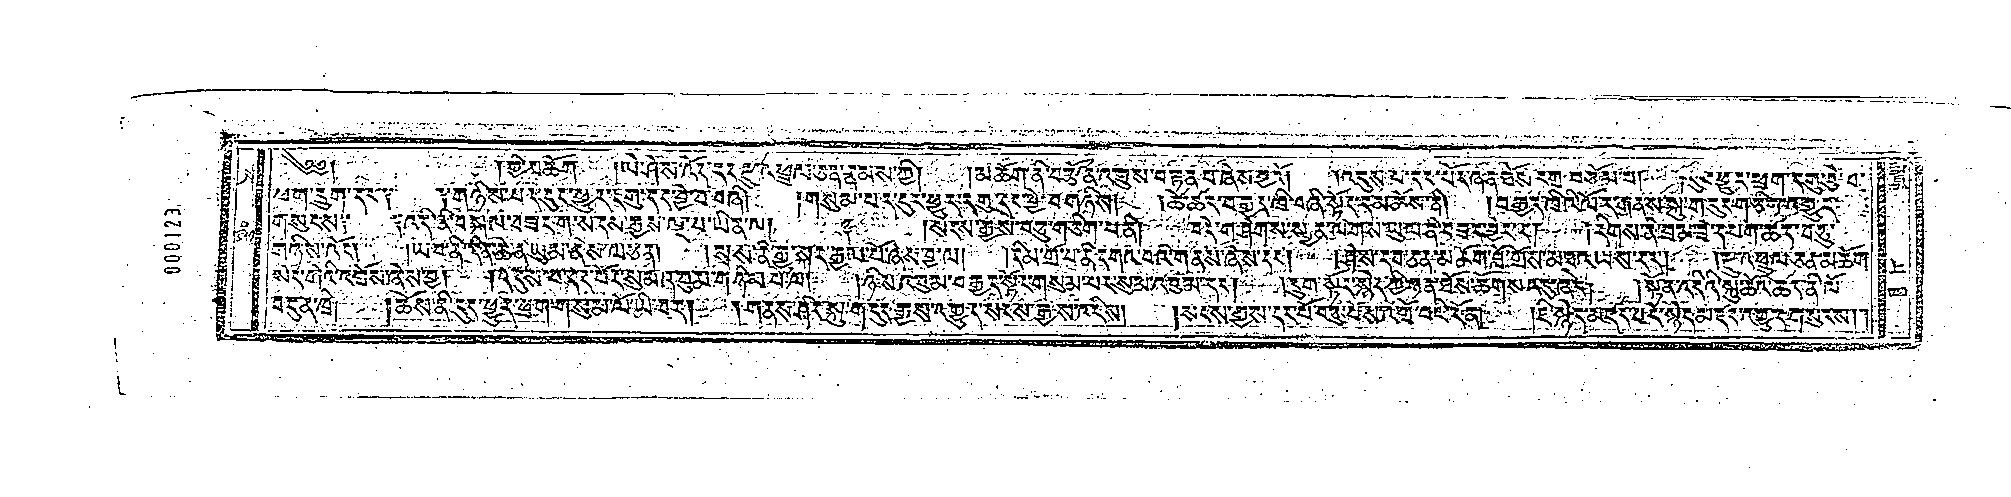༄༅། །གྱི་མཆོག །ཡེ་ཤེས་འོད་དང་རྫུ་འཕྲུལ་ཅན་རྣམས་ཀྱི། །མཆོག་ནི་བརྩོན་འགྲུས་བརྟན་པ་ཞེས་བྱའོ། །འདུས་པ་དང་པོར་ཞན་ཐོས་དགྲ་བཅོམ་པ། །དུང་ཕྱུར་ཕྲག་དགུ་བྱེ་བ་
ཕྲག་དྲུག་དང༑ ༑གཉིས་པར་དུང་ཕྱུར་དགུ་དང་བྱེ་བ་བཞི། །གསུམ་པར་དུང་ཕྱུར་དགུ་དང་བྱེ་བ་གཉིས། །ཚེ་ཚང་བརྒྱད་ཁྲི་བཞི་སྟོང་དམ་ཆོས་ནི། །བརྒྱད་ཁྲིའི་ལོར་གནས་སྐུ་གདུང་གཅིག་འགྱུར་
གསུངས༑ ༑འདི་ནི་བསྐལ་བཟང་ག་སངས་རྒྱས་ལྔ་པ་ཡིན་ལ། ༈ །སངས་རྒྱས་བཅུ་གཅིག་པ་ནི། བདེ་གཤེགས་སྤྱན་ལེགས་ཡུལ་ནི་བཟང་བྱེད་ད། །རིགས་ནི་བྲམ་ཟེ་དཔག་ཚད་བཅུ་
གཉིས་འོད། །ཡབ་ནི་རིན་ཆེན་ཡུམ་ནེས་ལ་ཅན། །སྲས་ནི་རྒྱུ་སྐར་རྒྱལ་པོ་ཞེས་བྱ་ལ། །རིམ་གྲོ་པ་ནི་དགའ་བའི་གནས་ཞེས་དང་། །ཤེས་རབ་ཅན་མཆོག་བློ་གྲོས་མཐའ་ཡས་དང་། །རྫུ་འཕྲུལ་ཅན་མཆོག་
སེང་གེའི་འགྲོས་ཞེས་བྱ། །འདུས་པ་དང་པོར་སུམ་འབུམ་གཉིས་པ་ལ། །ཉིས་འབུམ་བརྒྱས་སྟོང་གསུམ་པར་གསུམ་འབུམ་དང་། །དྲུག་སྟོང་སྙེད་ཀྱི་ཉན་ཐོས་ཆོགས་འདུ་ཞེང་། །སྟོན་འདིའི་སྐུ་ཆོའི་ཚད་ནི་ལོ་
བདུན་ཁྲི། །ཆོས་ནི་དུང་ཕྱུར་ཕྲག་གསུམ་ལོ་ཡི་བར། །གནས་ཤིང་སྐུ་གདུང་རྒྱས་འགྱུར་སངས་རྒྱས་འདིས། །སངས་རྒྱས་དང་པོ་བཅུ་པོས་འགྲོ་བའི་དོན། །ཇི་སྙེད་མཛད་པ་དེ་སྙེད་མཛད་འགྱུར་གསུངས། །